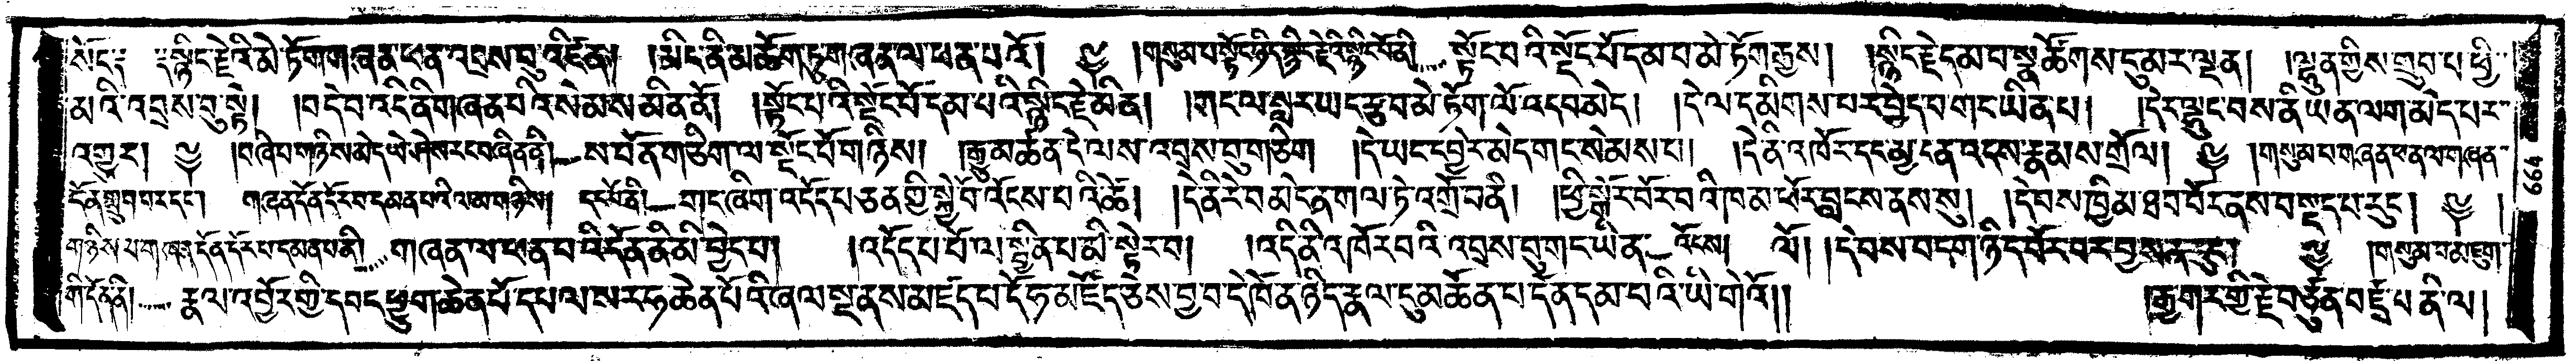སོང༑ ༑སྙིང་རྗེའི་མེ་ཏོག་གཞན་ཕན་འབྲས་བུ་འཛིན། །མིང་ནི་མཆོག་ཏུ་གཞན་ལ་ཕན་པའོ། ༈ །གསུམ་པ་སྟོང་ཉིད་སྙིང་རྗེའི་སྙིང་པོ་ནི། སྟོང་པའི་སྡོང་པོ་དམ་བ་མེ་ཏོག་རྒྱས། །སྙིང་རྗེ་དམ་པ་སྣ་ཚོགས་དུ་མར་ལྡན། །ལྷུན་གྱིས་གྲུབ་པ་ཕྱི་
མའི་འབྲས་བུ་སྟེ། །བདེ་བ་འདི་ནི་གཞན་པའི་སེམས་མིན་ནོ། །སྟོང་བའི་སྡོང་པོ་དམ་པའི་སྙིང་རྗེ་མིན། །གང་ལ་སླར་ཡང་རྩ་བ་མེ་ཏོག་ལོ་འདབ་མེད། །དེ་ལ་དམིགས་པར་བྱེད་པ་གང་ཡིན་པ། །དེར་ལྷུང་བས་ནི་ཡན་ལག་མེད་པར་
འགྱུར། ༈ །བཞི་པ་གཉིས་མེད་ཡེ་ཤེས་རང་བཞིན་ནི། ས་བོན་གཅིག་ལ་སྡོང་པོ་གཉིས། །རྒྱུ་མཚན་དེ་ལས་འབྲས་བུ་གཅིག །དེ་ཡང་དབྱེར་མེད་གང་སེམས་པ། །དེ་ནི་འཁོར་དང་མྱ་ངན་འདས་རྣམས་གྲོལ། ༈ །གསུམ་བ་གཞན་ཕན་ལ་གཞན་
དོན་སྒྲུབ་པར་དང་། གཞན་དོན་དོར་བ་དམན་པའི་ལམ་གཉིས། དང་པོ་ནི། གང་ཞིག་འདོད་པ་ཅན་གྱི་སྐྱེ་བོ་འོངས་པའི་ཚེ། །དེ་ནི་རེ་བ་མེད་ན་གལ་ཏེ་འགྲོ་བ་ནི། །ཕྱི་སྒོར་བོར་བའི་ཁམ་ཕོར་བླངས་ནས་སུ། །དེ་བས་ཁྱིམ་ཐབ་བོར་ནས་བསྡད་པ་རུང་། ༈ །
གཉིས་པ་གཞན་དོན་དོར་པ་དམན་པ་ནི། གཞན་ལ་ཕན་པའི་དོན་ནི་མི་བྱེད་པ། །འདོད་པ་པོ་ལ་སྦྱིན་པ་མི་སྟེར་བ། །འདི་ནི་འཁོར་བའི་འབྲས་བུ་གང་ཡིན་འོངས། ལོ། །དེ་བས་བདག་ཉིད་བོར་བར་བྱས་ན་རུང་། ༈ །གསུམ་བ་མཇུག་
གི་དོན་ནི། རྣལ་འབྱོར་གྱི་དབང་ཕྱུག་ཆེན་པོ་དཔལ་སར་ཧ་ཆེན་པོའི་ཞལ་སྔ་ནས་མཛད་པ་དོ་ཧ་མཛོད་ཅེས་བྱ་བ་དེ་ཁོ་ན་ཉིད་རྣལ་དུ་མཆོན་པ་དོན་དམ་པའི་ཡི་གེའོ།། །རྒྱ་གར་གྱི་རྗེ་བཙུན་བཛྲ་བ་ནི་ལ།